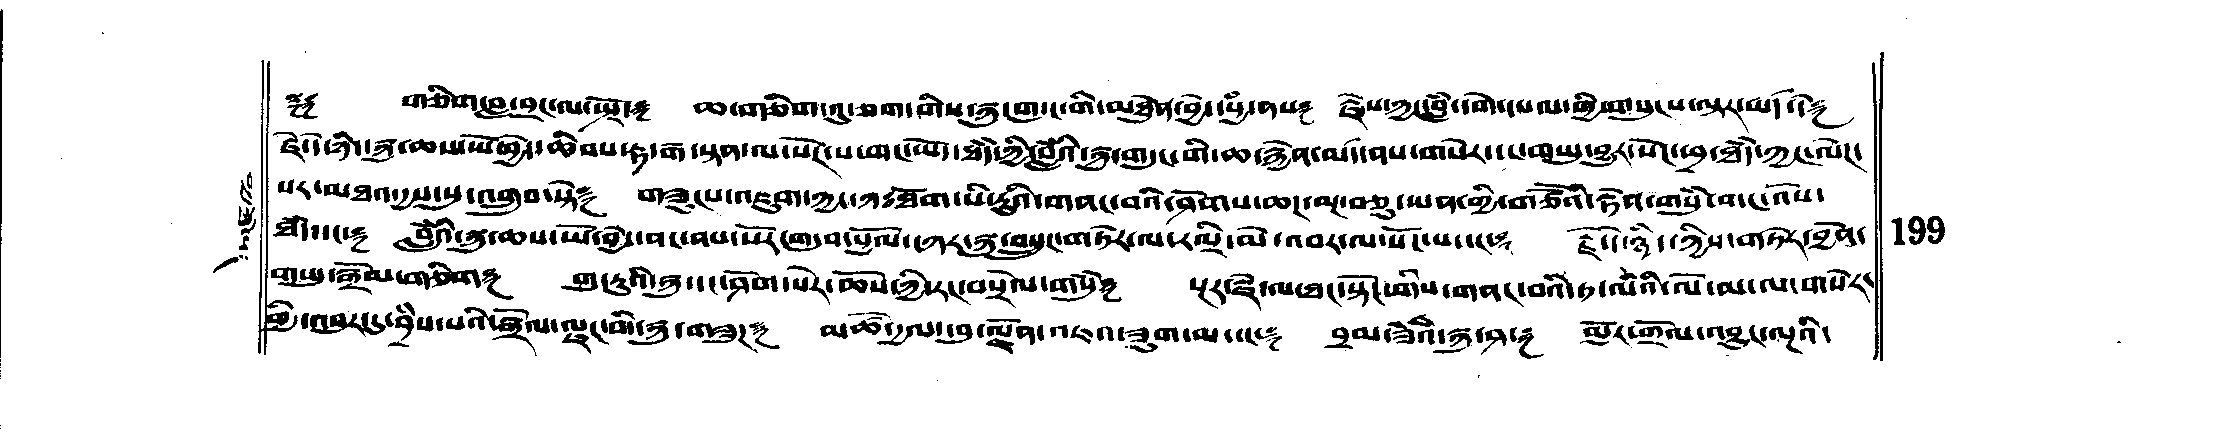གཅིག་བླ་བྲང་ལ་སྤྲོད། ཆ་གཅིག་འུ་ཅག་གིས་སྐུ་གདུང་གི་མཐུན་རྐྱེན་བྱེད་གསུང་ནས། རྗེས་ཀྱང་བླ་མས་དགེ་དཔལ་གྱི་གསུངས་ལྟར་མཛད་དེ། 
རྗེ་དེ་ཉིད་སྐུ་ཆས་ཡོ་བྱེད་ཆིབས་རྟ་སྒ་སྟན་ལ་སོགས་པ་གང་ཡོད་ཐམས་ཅད་ཀྱི་བླ་མའི་སྐུ་གདུང་གི་ཆ་རྐྱེན་མཛད་ནས་གསེར་དང་གཡུ་བྱུར་སོགས་ཕྲ་ཐམས་ཅད་ཀྱང་ལེགས་
པར་མཐའ་རྒྱས་སུ་འགྲུབ་སྟེ། གཟུངས་འཇུག་ཀྱང་ཀཿཐོག་སི་ཏུས་གནང་བའི་ཤོག་ཆགས་ལྔ་བཅུ་ཡན་གྱི་གཙོ་བོའི་རྟེན་གསུམ་གང་འོས་
ཐམས་ཅད་དང་། བླ་མའི་སྐུ་ཆས་ཡོ་བྱེད་ནང་ནས་སོར་གདུབ་གསོལ་དཀར་སྐུ་བསྲུང་གཏེར་ལ་རལ་གྲི་མེ་1$00003001$1000300འབར་ལ་སོགས་པ་དང་། རྗེ་དེ་ཉིད་ཀྱིས་གཏེར་བྱོན་
གཡུ་སྒྲོམ་གཅིག གུ་རུའི་སྐུ་དང་ཤོག་སེར་ཆོས་ཀྱི་རིང་བསྲེལ་གསུམ། སྔར་རྗེ་ལ་ཐང་སྟོང་གིས་གནང་བའི་ཏ་ལིའི་ལོ་མ་ལ་གསེར་
གྱི་འབུར་དུ་བྲིས་པའི་སྒྲོལ་ལྗང་གི་སྐུ་གཟུགས། མཚོ་རྒྱལ་དབུ་ལྗོན་འཇའ་ཟུག་མ་དང་། བྲམ་ཟེའི་སྐུ་ཤ། མྱོང་གྲོལ་འབྱུང་ལྔའི་